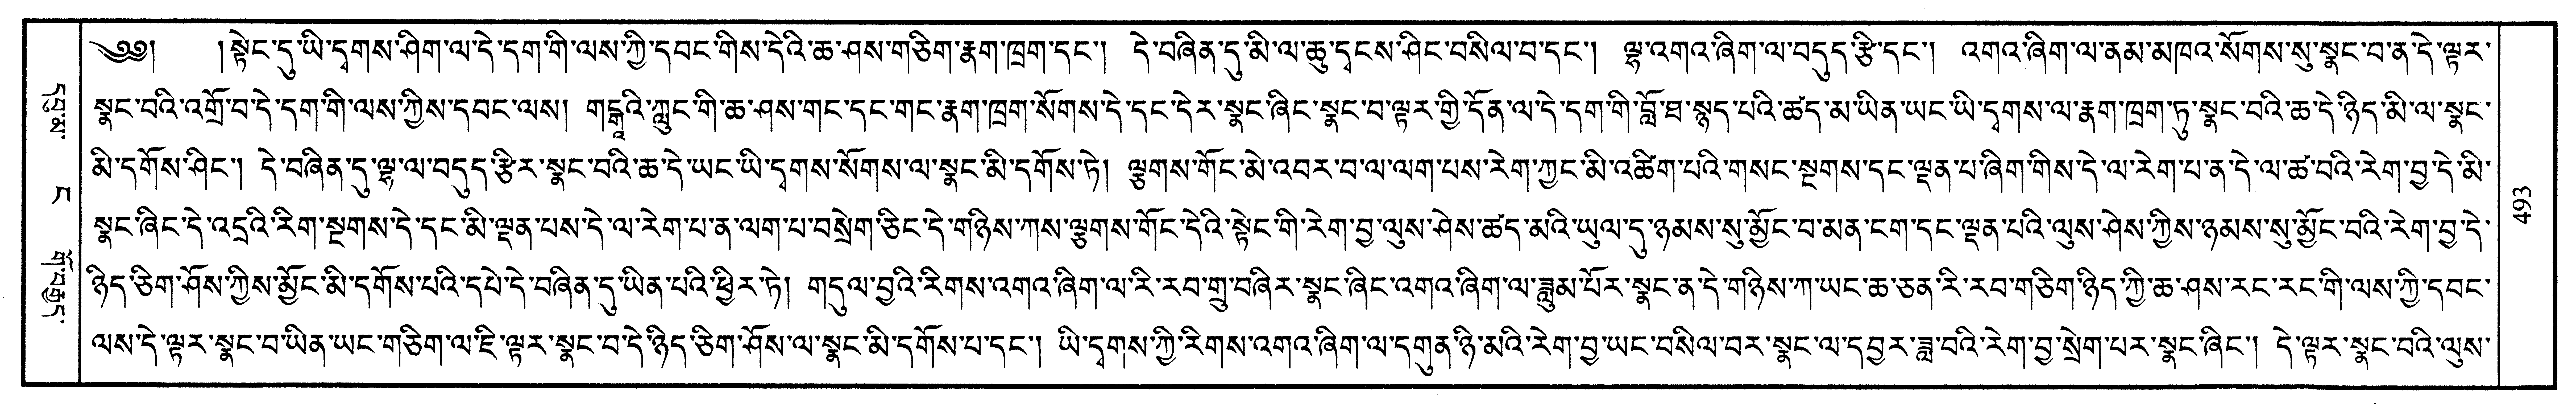༄༅། །སྟེང་དུ་ཡི་དྭགས་ཤིག་ལ་དེ་དག་གི་ལས་ཀྱི་དབང་གིས་དེའི་ཆ་ཤས་གཅིག་རྣག་ཁྲག་དང་། དེ་བཞིན་དུ་མི་ལ་ཆུ་དྭངས་ཤིང་བསིལ་བ་དང་། ལྷ་འགའ་ཞིག་ལ་བདུད་རྩི་དང་། འགའ་ཞིག་ལ་ནམ་མཁའ་སོགས་སུ་སྣང་བ་ན་དེ་ལྟར་
སྣང་བའི་འགྲོ་བ་དེ་དག་གི་ལས་ཀྱིས་དབང་ལས། གངྒཱའི་ཀླུང་གི་ཆ་ཤས་གང་དང་གང་རྣག་ཁྲག་སོགས་དེ་དང་དེར་སྣང་ཞིང་སྣང་བ་ལྟར་གྱི་དོན་ལ་དེ་དག་གི་བློ་ཐ་སྙད་པའི་ཚད་མ་ཡིན་ཡང་ཡི་དྭགས་ལ་རྣག་ཁྲག་ཏུ་སྣང་བའི་ཆ་དེ་ཉིད་མི་ལ་སྣང་
མི་དགོས་ཤིང་། དེ་བཞིན་དུ་ལྷ་ལ་བདུད་རྩིར་སྣང་བའི་ཆ་དེ་ཡང་ཡི་དྭགས་སོགས་ལ་སྣང་མི་དགོས་ཏེ། ལྕགས་གོང་མེ་འབར་བ་ལ་ལག་པས་རེག་ཀྱང་མི་འཚིག་པའི་གསང་སྔགས་དང་ལྡན་པ་ཞིག་གིས་དེ་ལ་རེག་པ་ན་དེ་ལ་ཚ་བའི་རེག་བྱ་དེ་མི་
སྣང་ཞིང་དེ་འདྲའི་རིག་སྔགས་དེ་དང་མི་ལྡན་པས་དེ་ལ་རེག་པ་ན་ལག་པ་བསྲེག་ཅིང་དེ་གཉིས་ཀས་ལྕགས་གོང་དེའི་སྟེང་གི་རེག་བྱ་ལུས་ཤེས་ཚད་མའི་ཡུལ་དུ་ཉམས་སུ་མྱོང་བ་མན་ངག་དང་ལྡན་པའི་ལུས་ཤེས་ཀྱིས་ཉམས་སུ་མྱོང་བའི་རེག་བྱ་དེ་
ཉིད་ཅིག་ཤོས་ཀྱིས་མྱོང་མི་དགོས་པའི་དཔེ་དེ་བཞིན་དུ་ཡིན་པའི་ཕྱིར་ཏེ། གདུལ་བྱའི་རིགས་འགའ་ཞིག་ལ་རི་རབ་གྲུ་བཞིར་སྣང་ཞིང་འགའ་ཞིག་ལ་ཟླུམ་པོར་སྣང་ན་དེ་གཉིས་ཀ་ཡང་ཆ་ཅན་རི་རབ་གཅིག་ཉིད་ཀྱི་ཆ་ཤས་རང་རང་གི་ལས་ཀྱི་དབང་
ལས་དེ་ལྟར་སྣང་བ་ཡིན་ཡང་གཅིག་ལ་ཇི་ལྟར་སྣང་བ་དེ་ཉིད་ཅིག་ཤོས་ལ་སྣང་མི་དགོས་པ་དང་། ཡི་དྭགས་ཀྱི་རིགས་འགའ་ཞིག་ལ་དགུན་ཉི་མའི་རེག་བྱ་ཡང་བསིལ་བར་སྣང་ལ་དབྱར་ཟླ་བའི་རེག་བྱ་སྲེག་པར་སྣང་ཞིང་། དེ་ལྟར་སྣང་བའི་ལུས་